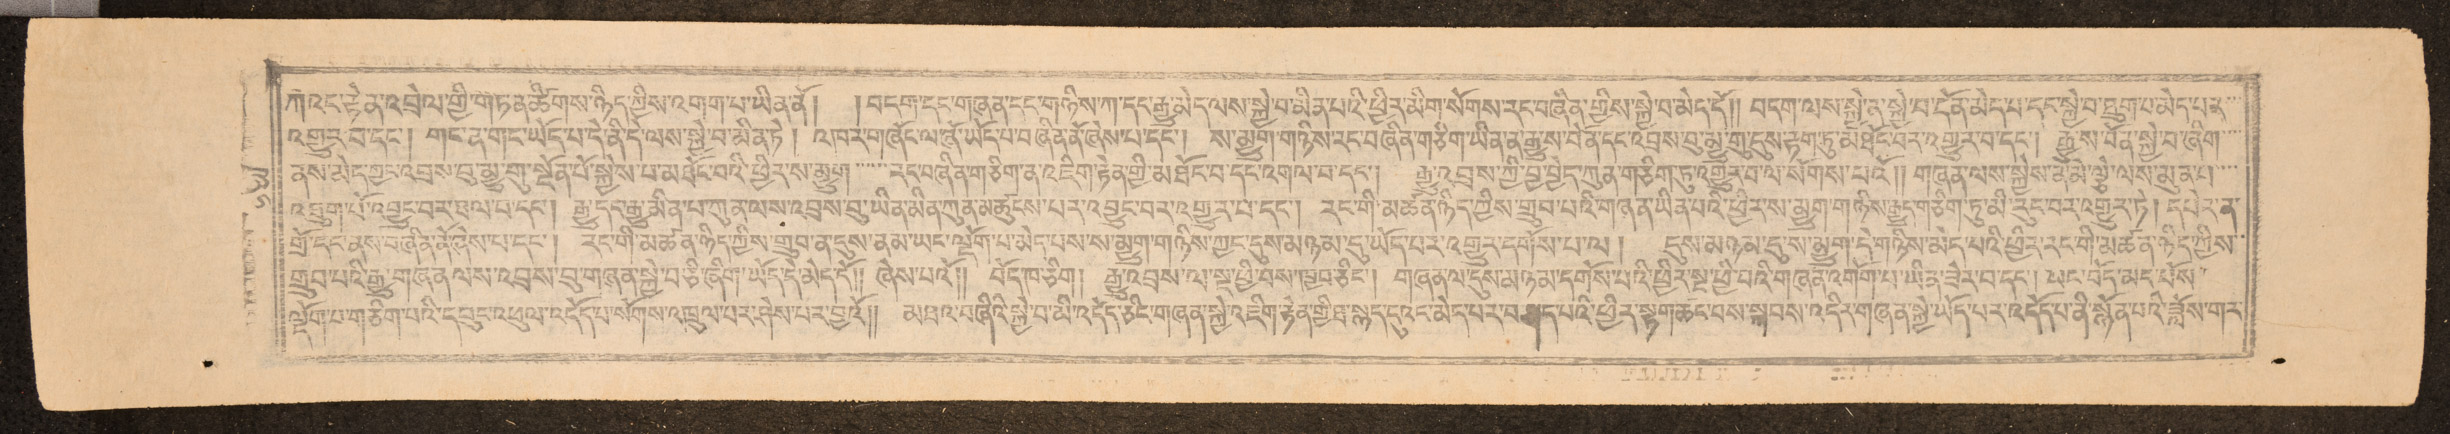ཀའང་རྟེན་འབྲེལ་གྱི་གཏན་ཚིགས་ཉིད་ཀྱིས་འགག་པ་ཡིན་ནོ། །བདག་དང་གཞན་དང་གཉིས་ཀ་དང་རྒྱུ་མེད་ལས་སྐྱེ་བ་མིན་པའི་ཕྱིར་མིག་སོགས་རང་བཞིན་གྱིས་སྐྱེ་བ་མེད་དོ།། བདག་ལས་སྐྱེ་ན་སྐྱེ་བ་དོན་མེད་པ་དང་སྐྱེ་བ་ཐུག་པ་མེད་པར་
འགྱུར་བ་དང་། གང་ན་གང་ཡོད་པ་དེ་ནི་དེ་ལས་སྐྱེ་བ་མིན་ཏེ། འཁར་གཞོང་ལ་ཞོ་ཡོད་པ་བཞིན་ནོ་ཞེས་པ་དང་། ས་མྱུག་གཉིས་རང་བཞིན་གཅིག་ཡིན་ན་རྒྱུ་ས་བོན་དང་འབྲས་བུ་མྱུ་གུ་དུས་རྟག་ཏུ་མཐོང་བར་འགྱུར་བ་དང་། རྒྱུ་ས་བོན་སྐྱེ་བ་ཞིག་
ནས་མེད་ཀྱང་འབྲས་བུ་མྱུ་གུ་སྔོན་པོ་སྐྱེས་པ་མཐོང་བའི་ཕྱིར་ས་མྱུག་རང་བཞིན་གཅིག་ན་འཇིག་རྟེན་གྱི་མཐོང་བ་དང་འགལ་བ་དང་། རྒྱུ་འབྲས་ཀྱི་བྱ་བྱེད་ཀུན་གཅིག་ཏུ་འགྱུར་བ་ལ་སོགས་པའོ།། གཞན་ལས་སྐྱེས་ན་མེ་ལྕེ་ལས་མུན་པ་
འཐུག་པོ་འབྱུང་བར་ཐལ་བ་དང་། རྒྱུ་དང་རྒྱུ་མིན་པ་ཀུན་ལས་འབྲས་བུ་ཡིན་མིན་ཀུན་མཚུངས་པར་འབྱུང་བར་འགྱུར་བ་དང་། རང་གི་མཚན་ཉིད་ཀྱིས་གྲུབ་པའི་གཞན་ཡིན་པའི་ཕྱིར་ས་མྱུག་གཉིས་རྒྱུད་གཅིག་ཏུ་མི་རུང་བར་འགྱུར་ཏེ། དཔེར་ན་
གྲོ་དང་ནས་བཞིན་ནོ་ཞེས་པ་དང་། རང་གི་མཚན་ཉིད་ཀྱིས་གྲུབ་ན་དུས་ནམ་ཡང་ལྡོག་པ་མེད་པས་ས་མྱུག་གཉིས་ཀྱང་དུས་མཉམ་དུ་ཡོད་པར་འགྱུར་དགོས་པ་ལ། དུས་མཉམ་དུ་ས་མྱུག་དེ་གཉིས་མེད་པའི་ཕྱིར་རང་གི་མཚན་ཉིད་ཀྱིས་
གྲུབ་པའི་རྒྱུ་གཞན་ལས་འབྲས་བུ་གཞན་སྐྱེ་བ་ཅི་ཞིག་ཡོད་དེ་མེད་དོ།། ཞེས་པའོ།། བོད་ཁ་ཅིག། རྒྱུ་འབྲས་ལ་སྔ་ཕྱི་བས་ཁྱབ་ཅིང་། གཞན་ལ་དུས་མཉམ་དགོས་པའི་ཕྱིར་སྔ་ཕྱི་བའི་གཞན་འགོག་པ་ཡིན་ཟེར་བ་དང་། ཡང་བོད་མང་པོས་
ལྡོག་པ་གཅིག་པའི་དཔུང་འཕུལ་འདོད་པ་སོགས་འཁྲུལ་པར་ཤེས་པར་བྱའོ།། མཐའ་བཞིའི་སྐྱེ་བ་མི་འདོད་ཅིང་གཞན་སྐྱེ་འཇིག་རྟེན་གྱི་ཐ་སྙད་དུའང་མེད་པར་བཤད་པའི་ཕྱིར་སྟག་ཚང་བས་སྐབས་འདིར་གཞན་སྐྱེ་ཡོད་པར་འདོད་པ་ནི་སྙོན་པའི་ཟློས་གར་